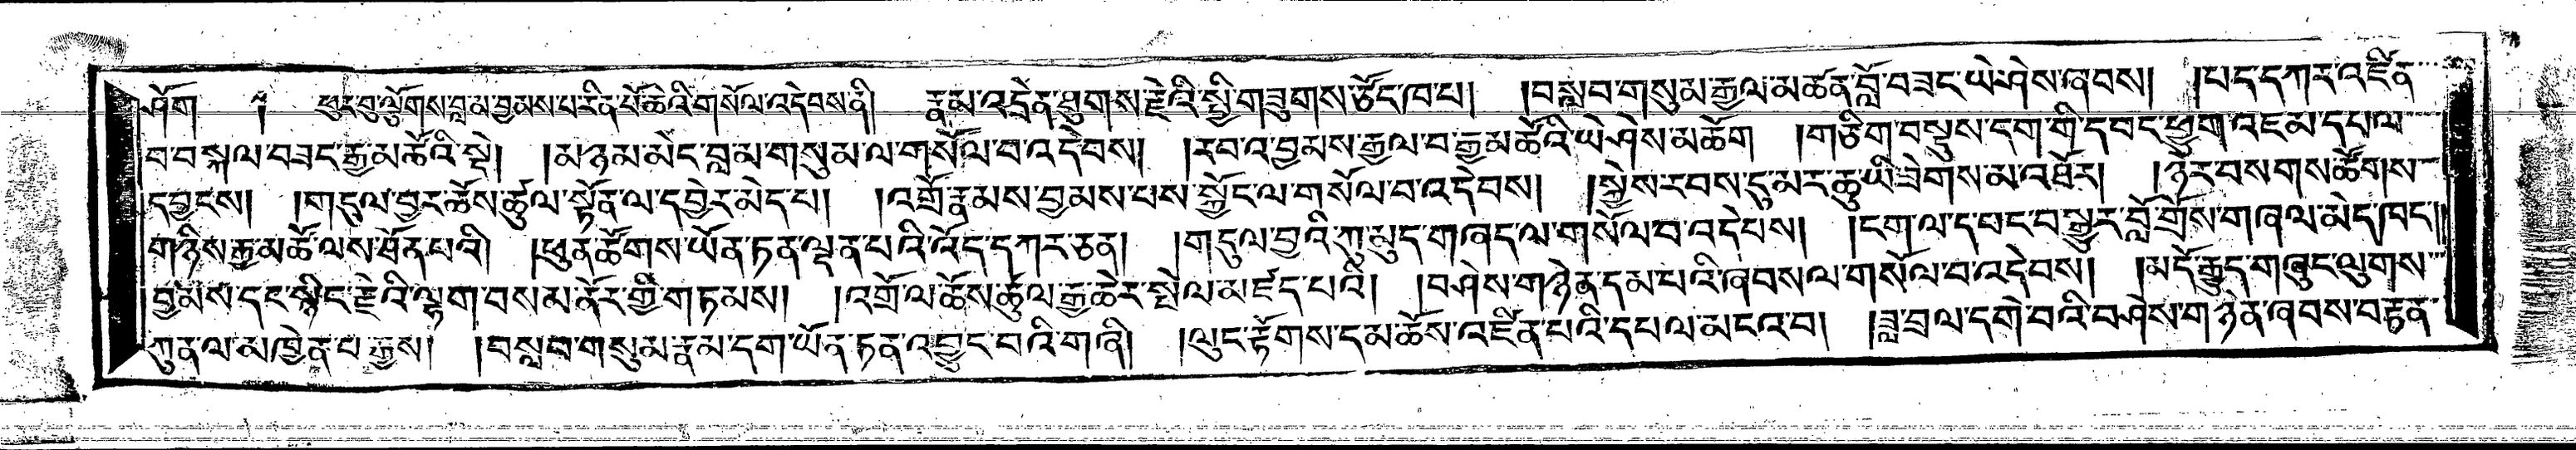ཤོག ༈ ཕུར་བུ་ལྕོགས་བླ་མ་བྱམས་པ་རིན་པོ་ཆེའི་གསོལ་འདེབས་ནི། རྣམ་འདྲེན་ཐུགས་རྗེའི་སྤྱི་གཟུགས་ཙོང་ཁ་པ། །བསླབ་གསུམ་རྒྱལ་མཚན་བློ་བཟང་ཡེ་ཤེས་ཞབས། །པད་དཀར་འཛིན་
བ་བསྐལ་བཟང་རྒྱ་མཚོའི་སྡེ། །མཉམ་མེད་བླ་མ་གསུམ་ལ་གསོལ་བ་འདེབས། །རབ་འབྱམས་རྒྱལ་བ་རྒྱ་མཚོའི་ཡེ་ཤེས་མཆོག །གཅིག་བསྡུས་དག་གི་དབང་ཕྱུག་འཇམ་དཔལ་
དབྱངས། །གདུལ་བྱར་ཆོས་ཚུལ་སྟོན་ལ་དབྱེར་མེད་པ། །འགྲོ་རྣམས་བྱམས་པས་སྐྱོང་ལ་གསོལ་བ་འདེབས། །སྐྱེས་རབས་དུ་མར་ཆུ་ཡི་ཟེགས་མ་འཐོར། །ཉེར་བསགས་ཚོགས་
གཉིས་རྒྱ་མཚོ་ལས་ཐོན་པའི། །ཕུན་ཚོགས་ཡོན་ཏན་ལྡན་པའི་འོད་དཀར་ཅན། །གདུལ་བྱའི་ཀུ་མུད་གཞད་ལ་གསོལ་བ་འདེབས། །ངག་ལ་དབང་བསྒྱུར་བློ་གྲོས་གཞལ་མེད་ཁང་།
བྱམས་དང་སྙིང་རྗེའི་ལྷག་བསམ་ནོར་གྱི་གཏམས། །འགྲོ་ལ་ཆོས་ཚུལ་རྒྱ་ཆེར་སྤེལ་མཛད་པའི། །བཤེས་གཉེན་དམ་པའི་ཞབས་ལ་གསོལ་བ་འདེབས། །མདོ་རྒྱུད་གཞུང་ལུགས་
ཀུན་ལ་མཁྱེན་པ་རྒྱས། །བསླབ་གསུམ་རྣམ་དག་ཡོན་ཏན་འབྱུང་བའི་གཞི། །ལུང་རྟོགས་དམ་ཆོས་འཛིན་པའི་དཔལ་མངའ་བ། །ཟླ་བྲལ་དགེ་བའི་བཤེས་གཉེན་ཞབས་བརྟན་